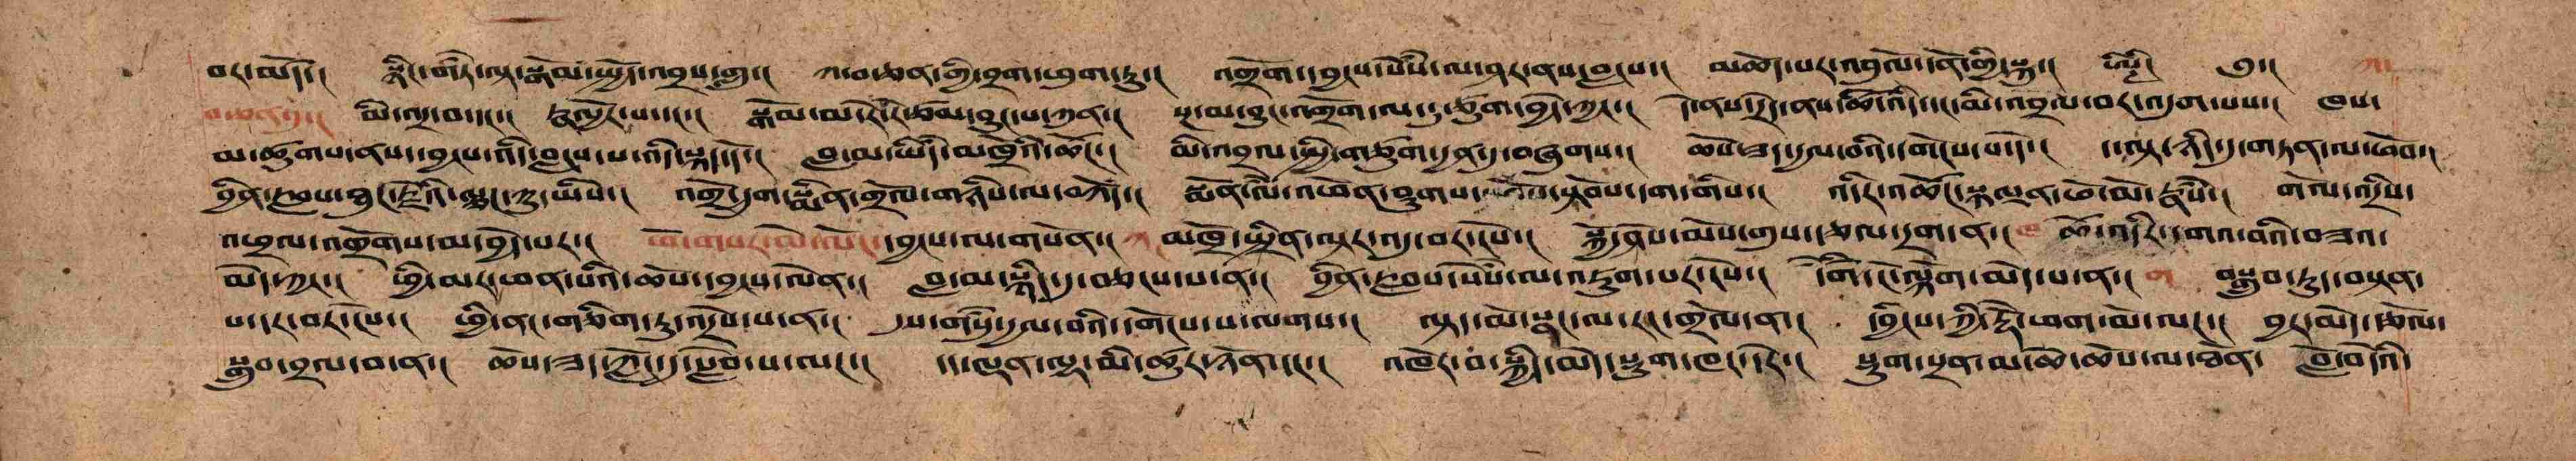བར་མཛོད།། སྙིང་གཏམ་ལྟ་སྒོམ་སྤྱོད་འབྲས་གླུ།། ཀ་བ་ཅན་གྱི་བྲག་ཕུག་ཏུ།། འགྲོག་དབྱངས་སེམས་ལ་ཤར་ནས་བླངས།། མཆོད་པར་འབུལ་ལོ་དོན་གྱི་སྐུ།། ཨིཊི། ༄་། ཀ་
བ་ཅན་དུ།། མི་འདྲ་བ་དང་།། རྣལ་འབྱོར་བ་དང་།། སྒོམ་མ་རེ་རེ་ཙམ་བྱུང་བ་ཀུན།། སྔ་མ་བྱུང་འགྲོག་ལ་དུ་ཙུག་བྱེད་ཀྱང་།། དེ་ནས་དྲེད་ནས་ཚེ་འདི་དང་མི་འབྲལ་བར་འདུག་པས། ཁས་
མ་ཚུགས་ནས་དབྱངས་འདི་བླངས་པ་འདི་སྐད་དོ།། བླ་མ་ཡི་དམ་མཁའ་འགྲོའིི་ཚོགས།། མི་འབྲལ་སྤྱི་གཙུག་རྒྱན་དུ་བཞུགས།། ཆོས་ཟད་རྒྱལ་བའི་དགོངས་པ་དེ།། ད་ལྟ་ཉིད་དུ་བཏན་ལ་ཕོབ།། 
བྱིན་རླབས་ཐུགས་རྗེའི་ལྕགས་ཀྱུ་ཡིས།། འགྲོ་དྲུག་སྨིན་གྲོལ་གཉིས་ལ་བཀོད།། སྨོན་ལམ་འཕེན་ཤུགས་སྟོབས་དག་གིས།། འདིར་འཚོགས་སྐལ་ལྡན་ཕོ་མོ་རྣམས།། གོམ་འདྲིས་
འཕྲལ་འགྲོགས་མ་བྱེད་པར།། ཕོ་གསར་མེ་ལོང་དབྱངས་ལ་གསོན།། ༼ཀ༽མཁའ་འགྲོ་སྤྲིན་ལྟར་འདུ་བར་ངེས།། སྐྱོ་ཤེས་མོས་གུས་རྩལ་དྲག་ན།།༼ཁ༽ ཚེ་འདིར་དགའ་བའི་བཟའ་
མེད་ཀྱང་།། ཕྱི་མར་ཕན་པའི་ཆོས་དབྱངས་ལེན།། བླ་མ་སྙིང་དུ་བཅངས་པ་ན།། བྱིན་རླབས་སེམས་ལ་འཇུག་པར་ངེས།། དམ་ཚིག་ངོ་ལྐོག་མེད་པ་ན།། ༼ག༽བསྒྲུབ་རྒྱུད་བསྟན་
པ་དར་བར་ངེས།། ཕྱི་ནང་གཅིག་ཏུ་འདྲེས་པ་ན།། དུས་གསུམ་རྒྱལ་བའི་དགོངས་པ་ལགས།། ལྟད་མོ་སྣང་ལ་རང་གྲོལ་ན།། དབྱིངས་ཀྱི་རྡོ་རྗེ་ཕག་མོ་ལགས།། བྱར་མེད་རྩོལ་
སྒྲུབ་བྲལ་བ་ན།། ཆོས་ཟད་ཀློང་དུ་སླེབས་པ་ལགས།། དད་ལྡན་ལྷ་མི་ཚུར་ཉོན་དང་།། འཁོར་བ་སྐྱིད་མེད་སྡུག་ཁང་དེར།། སྡུག་སྲན་མ་ཆེ་ཆོས་ལ་ཐོན།། བློ་བདེའི་